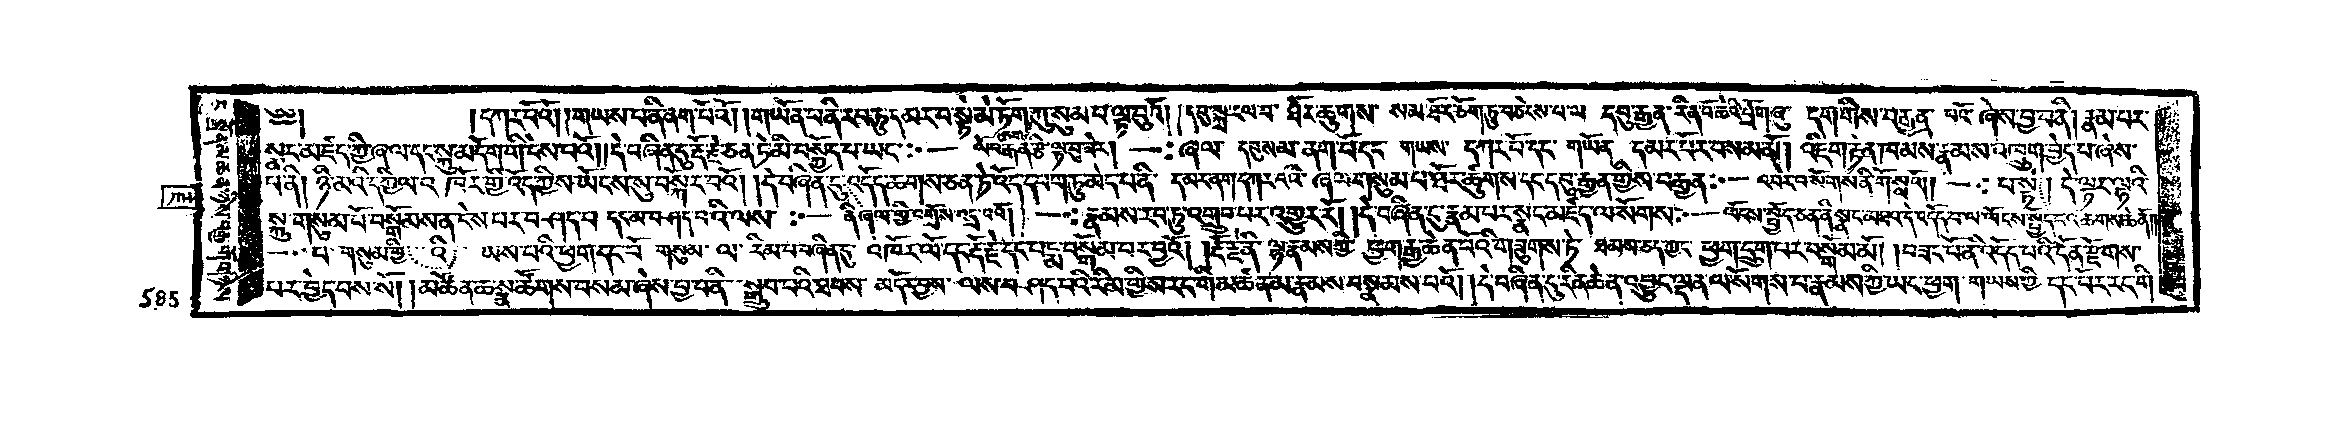༄༅། །དཀར་པོའོ། །གཡས་པ་ནི་ནག་པོའོ། །གཡོན་པ་ནི་རབ་ཏུ་དམར་བ་སྟེ་མེ་ཏོག་ཀུ་སུམ་པ་ལྟ་བུའོ། ། དབུ་སྐྲ་རལ་པ་ཐོར་ཚུགས་སམ་ཐོར་ཅོག་ཏུ་བཅིངས་པ་ལ་དབུ་རྒྱན་རིན་པོ་ཆེའི་བྲོག་ཞུ་དག་གིས་བརྒྱན་པའོ་ཞེས་བྱ་བ་ནི། རྣམ་པར་
སྣང་མཛད་ཀྱི་ཞལ་དང་སྐུ་མདོག་གི་ངེས་པའོ། །དེ་བཞིན་དུ་རྡོ་རྗེ་ཅན་ཏེ་མི་བསྐྱོད་པ་ཡང་H.་ལེབ་ཆག་རྒན་རྩི་ལྟ་བུ་ཟེར།  .H ཞལ་དབུས་མ་ནག་པོ་དང་གཡས་དཀར་པོ་དང་གཡོན་དམར་པོར་བསམ་མོ། འཇིག་རྟེན་ཁམས་རྣམས་འཁྲུག་བྱེད་པ་ཞེས་
པ་ནི། ཉི་མའི་དཀྱིལ་འཁོར་གྱི་འོད་ཀྱིས་ཡོངས་སུ་བསྐོར་བའོ། །དེ་བཞིན་དུ་འདོད་ཆགས་ཅན་ཏེ་འོད་དཔག་ཏུ་མེད་པ་ནི་དམར་ནག་དཀར་བའི་ཞལ་གསུམ་པ་ཐོར་ཚུགས་དང་དབུ་རྒྱན་གྱིས་བརྒྱན་H.་འབར་བ་སོགས་ནི་གོ་སླའོ།།  .H པ་སྟེ། དེ་ལྟར་ལྷའི་
སྐུ་གསུམ་པོ་བསྒོམས་ན་ངེས་?་པར་བཤད་པ་དང་མ་བཤད་པའི་ལས་H.་ནི་ཞལ་གྱི་འགྲོས་འདྲ་བའོ།།  .H རྣམས་རབ་ཏུ་འགྲུབ་པར་འགྱུར་རོ། །དེ་བཞིན་དུ་རྣམ་པར་སྣང་མཛད་ལ་སོགསཿ་ལོངས་སྤྱོད་ཅན་ནི་སྣང་མཐའ་དེ་འདོད་པ་ལ་ལོངས་སྤྱོད་པའི་ཆགས་ཆེན་?་ནོ།།
.Hཔ་གསུམ་གྱིའི་གཡས་པའི་ཕྱག་དང་པོ་གསུམ་ལ་རིམ་པ་བཞིན་དུ་འཁོར་ལོ་དང་རྡོ་རྗེ་དང་པདམ་བསྒོམ་པར་བྱའོ། །རྡོ་རྗེ་ནི་ལྷ་རྣམས་ཀྱི་ཕྱག་རྒྱ་ཆེན་པོའི་གཟུགས་ཏེ་ཐམས་ཅད་ཀྱང་ཕྱག་དྲུག་པར་བསྒོམ་མོ། །བཟང་པོ་ནི་འདོད་པའི་དོན་རྫོགས་
པར་བྱེད་པས་སོ། །མཚོན་ཆ་སྣ་ཚོགས་བསམ་ཞེས་བྱ་བ་ནི་སྒྲུབ་པའི་ཐབས་མདོར་བྱས་ལས་བཤད་པའི་རིམ་གྱིས་རང་གི་མཚན་མ་རྣམས་བསྣམས་པའོ། །དེ་བཞིན་དུ་རིན་ཆེན་འབྱུང་ལྡན་ལ་སོགས་པ་རྣམས་ཀྱི་ཡང་ཕྱག་གཡས་ཀྱི་དང་པོར་རང་གི་